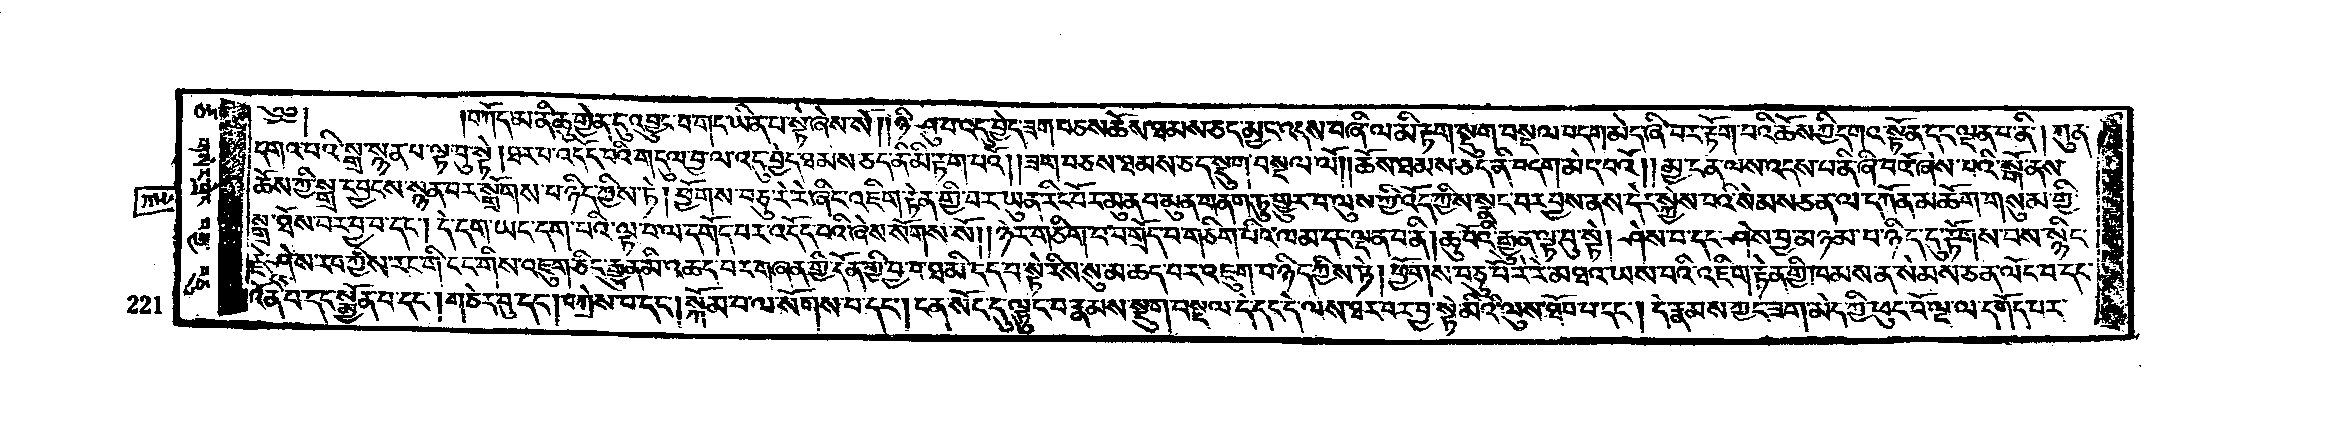༄༅། །བཀོད་མ་ནི་ཆུ་གྱེན་དུ་འབྱུང་བ་གང་ཡིན་པ་སྟེ་ཞེས་སོ། །ཉི་ཤུ་པ་འདུ་བྱེད་ཟག་བཅས་ཆོས་ཐམས་ཅད་མྱང་འདས་བཞི་ལ་མི་རྟག་སྡུག་བསྔལ་བདག་མེད་ཞི་བར་རྟོག་པའི་ཆོས་ཀྱི་དགའ་སྟོན་དང་ལྡན་པ་ནི། ཀུན་
དགའ་པའི་སྒྲ་སྙན་པ་ལྟ་བུ་སྟེ། ཐར་བ་འདོད་པའི་གདུལ་བྱ་ལ་འདུ་བྱེད་ཐམས་ཅད་ནི་མི་རྟག་པའོ། །ཟག་བཅས་ཐམས་ཅད་སྡུག་བསྔལ་ལོ། །ཆོས་ཐམས་ཅད་ནི་བདག་མེད་པའོ། །མྱ་ངན་ལས་འདས་པ་ནི་ཞི་བའོ་ཞེས་པའི་སྒོ་ནས་
ཆོས་ཀྱི་སྒྲ་དབྱངས་སྙན་པར་སྒྲོགས་པ་ཉིད་ཀྱིས་ཏེ། ཕྱོགས་བཅུ་རེ་རེ་ཞིང་འཇིག་རྟེན་གྱི་བར་ཡུན་རིང་པོར་མུན་པ་མུན་གནག་ཏུ་གྱུར་བ་ལུས་ཀྱི་འོད་ཀྱིས་སྣང་བར་བྱས་ནས་དེར་སྐྱེས་པའི་སེམས་ཅན་ལ་དཀོན་མཆོག་གསུམ་གྱི་
སྒྲ་ཐོས་པར་བྱ་བ་དང་། དེ་དག་ཡང་དག་པའི་ལྟ་བ་ལ་དགོད་པར་འདོད་པའི་ཞེས་སོགས་སོ། །ཉེར་གཅིག་པ་བགྲོད་པ་གཅིག་པའི་ལམ་དང་ལྡན་པ་ནི། ཆུ་བོའི་རྒྱུན་ལྟ་བུ་སྟེ། ཤེས་པ་དང་ཤེས་བྱ་མཉམ་པ་ཉིད་དུ་རྟོགས་པས་སྙིང་
རྗེ་དང་ཤེས་རབ་ཀྱིས་རང་གི་ངང་གིས་འཇུག་ཅིང་རྒྱུན་མི་འཆད་པར་གཞན་གྱི་དོན་གྱི་བྱ་བ་ཐ་མི་དད་པ་སྟེ་རིས་སུ་མ་ཆད་པར་འཇུག་པ་ཉིད་ཀྱིས་ཏེ། ཕྱོགས་བཅུ་པོ་རེ་རེ་མཐའ་ཡས་པའི་འཇིག་རྟེན་གྱི་ཁམས་ན་སེམས་ཅན་ལོང་བ་དང་
འོན་པ་དང་སྨྱོན་པ་དང་། གཅེར་བུ་དང་། བཀྲེས་པ་དང་། སྐོམ་པ་ལ་སོགས་པ་དང་། ངན་སོང་དུ་ལྟུང་བ་རྣམས་སྡུག་བསྔལ་དེ་དང་དེ་ལས་ཐར་བར་བྱ་སྟེ་མིའི་ལུས་ཐོབ་པ་དང་། དེ་རྣམས་ཀྱང་ཟག་མེད་ཀྱི་ཕུང་པོ་ལྔ་ལ་དགོད་པར་